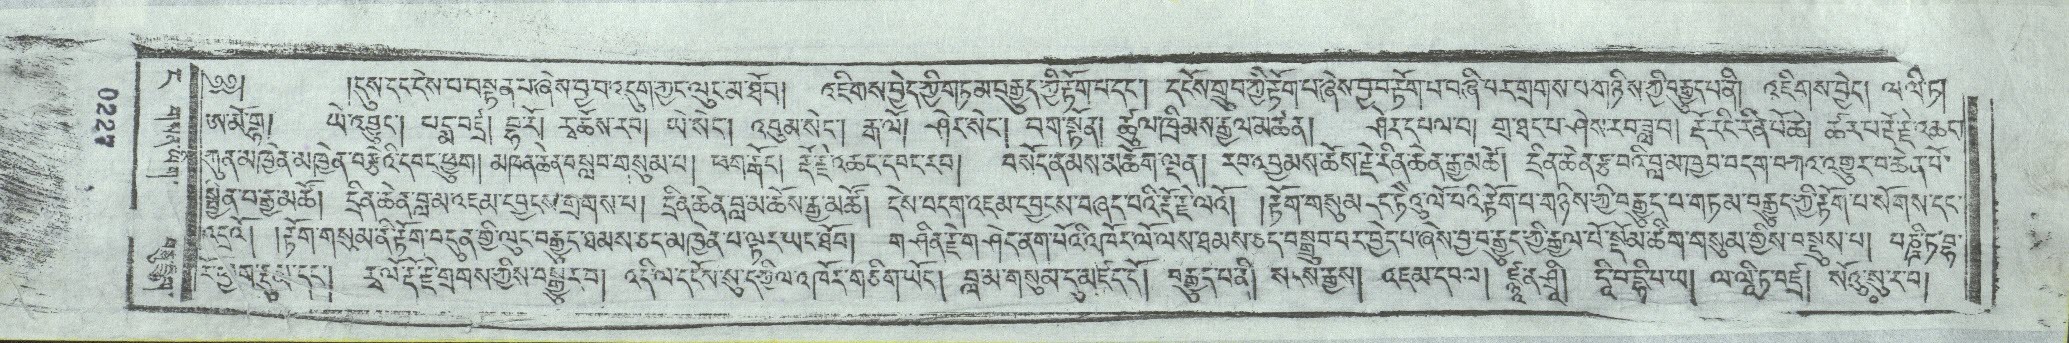༄༅། །དུས་དང་ངེས་བ་བསྟན་པ་ཞེས་བྱ་བ་འདུག་ཀྱང་ལུང་མ་ཐོབ། འཇིགས་བྱེད་ཀྱི་གཏམ་བརྒྱུད་ཀྱི་རྟོག་པ་དང་། དངོས་གྲུབ་ཀྱི་རྟོག་པ་ཞེས་བྱ་བ་རྟོག་པ་བཞི་པར་གྲགས་པ་གཉིས་ཀྱི་བརྒྱུད་པ་ནི། འཇིགས་བྱེད། ལ་ལི་ཏ།
ཨ་མོ་གྷ། ཡེ་འབྱུང་། པདམ་བཛྲ། བྷ་རོ། རྭ་ཆོས་རབ། ཡེ་སེང་། འབུམ་སེང་། རྒ་ལ། ཤེར་སེང་། བག་སྟོན། ཚུལ་ཁྲིམས་རྒྱལ་མཚན། ཤེར་དཔལ་བ། གྲ་ཐད་པ་ཤེས་རབ་ཟླ་བ། རྡོ་རིང་རིན་པོ་ཆེ། ཚར་པ་རྡོ་རྗེ་འཆང་
ཀུན་མཁྱེན་མཁྱེན་བརྩེའི་དབང་ཕྱུག། མཁན་ཆེན་བསླབ་གསུམ་པ། ཕག་རྒོང་། རྡོ་རྗེ་འཆང་དབང་རབ། བསོད་ནམས་མཆོག་ལྡན། རབ་འབྱམས་ཆོས་རྗེ་རིན་ཆེན་རྒྱ་མཚོ། དྲིན་ཆེན་རྩ་བའི་བླ་མ་ཁྱབ་བདག་བཀའ་འགྱུར་བ་ཆེན་པོ་
སྦྱིན་པ་རྒྱ་མཚོ། དྲིན་ཆེན་བླ་མ་འཇམ་དབྱངས་གྲགས་པ། དྲིན་ཆེན་བླ་མ་ཆོས་རྒྱ་མཚོ། དེས་བདག་འཇམ་དབྱངས་བཞད་པའི་རྡོ་རྗེ་ལའོ། །རྟོག་གསུམ་དང་ཏཻའུ་ལོ་བའི་རྟོག་པ་གཉིས་ཀྱི་བརྒྱུད་པ་གཏམ་བརྒྱུད་ཀྱི་རྟོག་པ་སོགས་དང་
འདྲའོ། །རྟོག་གསུམ་ནི་རྟོག་བདུན་གྱི་ལུང་བརྒྱུད་ཐམས་ཅད་མཁྱེན་པ་ལྟར་ཡང་ཐོབ། གཤིན་རྗེ་གཤེད་ནག་པོའི་འཁོར་ལོ་ལས་ཐམས་ཅད་བསྒྲུབ་པར་བྱེད་པ་ཞེས་བྱ་བརྒྱུད་ཀྱི་རྒྱལ་པོ་སྡོམ་ཚིག་གསུམ་གྱིས་བསྡུས་པ། པཎྜི་ཏ་བྷ་
རོ་ཕྱག་རྡུམ་དང་། རྭ་ལོ་རྡོ་རྗེ་གྲགས་ཀྱིས་བསྒྱུར་བ། འདི་ལ་དངོས་སུ་དཀྱིལ་འཁོར་གཅིག་ཡོད། བླ་མ་གསུམ་དུ་མཛད་དོ། །བརྒྱུད་པ་ནི། སངས་རྒྱས། འཇམ་དཔལ། ཛྙཱ་ན་ཤྲཱི། དཱི་པ་དྷི་པ་ཡ། ལ་ལཱི་ཏ་བཛྲ། སོའུ་སུ་ར་བ།